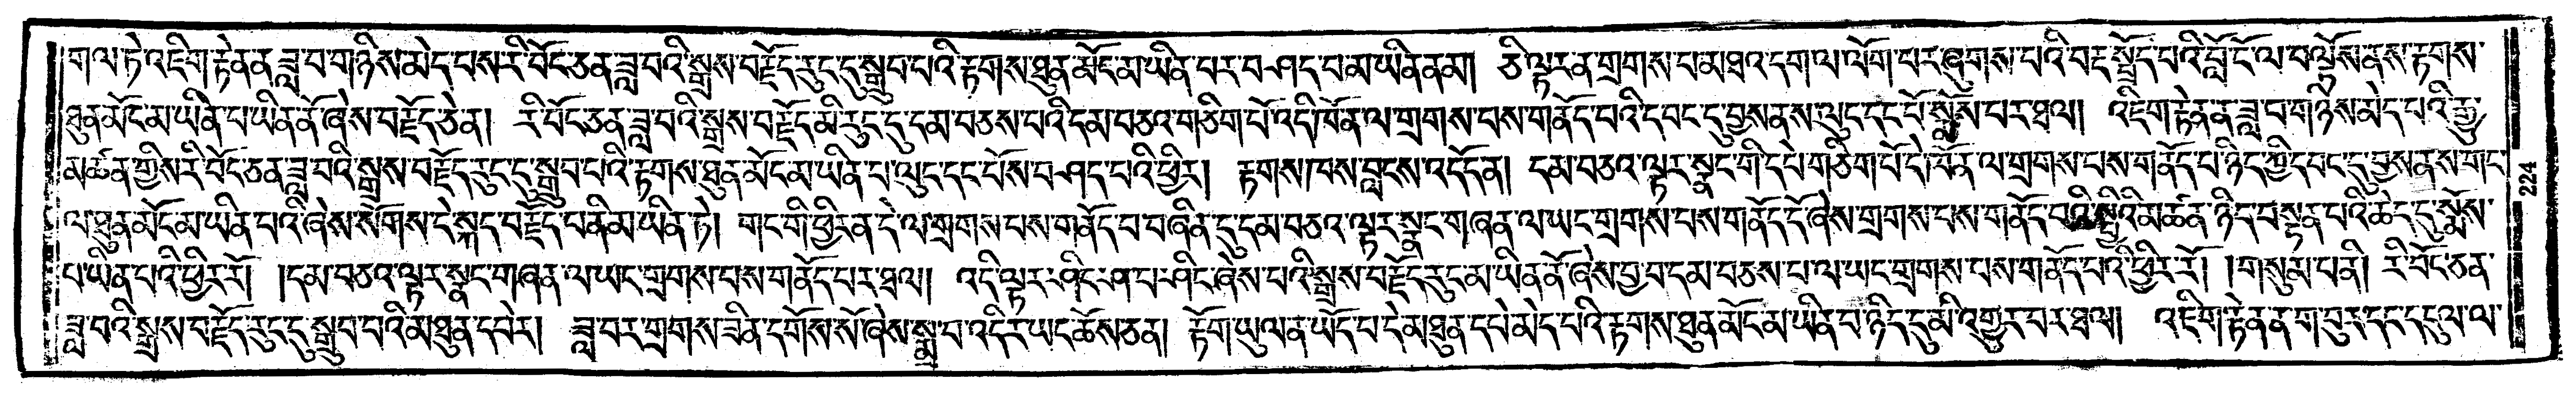གལ་ཏེ་འཇིག་རྟེན་ན་ཟླ་བ་གཉིས་མེད་པས་རི་བོང་ཅན་ཟླ་བའི་སྒྲས་བརྗོད་རུང་དུ་སྒྲུབ་པའི་རྟགས་ཐུན་མོང་མ་ཡིན་པར་བཤད་པ་མ་ཡིན་ནམ། ཅི་ལྟར་ན་གྲགས་པ་མཐའ་དག་ལ་ལོག་པར་ཞུགས་པའི་བརྡ་སྤྲོད་པའི་བློ་ངོ་ལ་བལྟོས་ནས་རྟགས་
ཐུན་མོང་མ་ཡིན་པ་ཡིན་ནོ་ཞེས་བརྗོད་ཅེ་ན། རི་བོང་ཅན་ཟླ་བའི་སྒྲས་བརྗོད་མི་རུང་དུ་དམ་བཅས་པའི་དམ་བཅའ་གཅིག་པོ་འདི་ཁོ་ན་ལ་གྲགས་པས་གནོད་པའི་དབང་དུ་བྱས་ནས་ལུང་དང་པོ་སྨོས་པར་ཐལ། འཇིག་རྟེན་ན་ཟླ་བ་གཉིས་མེད་པའི་རྒྱུ་
མཚན་གྱིས་རི་བོང་ཅན་ཟླ་བའི་སྒྲས་བརྗོད་རུང་དུ་སྒྲུབ་པའི་རྟགས་ཐུན་མོང་མ་ཡིན་པ་ལུང་དང་པོས་བཤད་པའི་ཕྱིར། རྟགས་ཁས་བླངས་འདོད་ན། དམ་བཅའ་ལྟར་སྣང་གི་དཔེ་གཅིག་པོ་དེ་ཁོ་ན་ལ་གྲགས་པས་གནོད་པ་ཉིད་ཀྱི་དབང་དུ་བྱས་ནས་གང་
ལ་ཐུན་མོང་མ་ཡིན་པའི་ཞེས་སོགས་དེ་སྐད་བརྗོད་པ་ནི་མ་ཡིན་ཏེ། གང་གི་ཕྱིར་ན་དེ་ལ་གྲགས་པས་གནོད་པ་བཞིན་དུ་དམ་བཅའ་ལྟར་སྣང་གཞན་ལ་ཡང་གྲགས་པས་གནོད་དོ་ཞེས་གྲགས་པས་གནོད་པའི་སྤྱིའི་མཚན་ཉིད་བསྟན་པའི་ཆེད་དུ་སྨོས་
པ་ཡིན་པའི་ཕྱིར་རོ། །དམ་བཅའ་ལྟར་སྣང་གཞན་ལ་ཡང་གྲགས་པས་གནོད་པར་ཐལ། འདི་ལྟར་ཤིང་ཤ་པ་ཤིང་ཞེས་པའི་སྒྲས་བརྗོད་རུང་མ་ཡིན་ནོ་ཞེས་བྱ་བ་དམ་བཅས་པ་ལ་ཡང་གྲགས་པས་གནོད་པའི་ཕྱིར་རོ། །གསུམ་པ་ནི། རི་བོང་ཅན་
ཟླ་བའི་སྒྲས་བརྗོད་རུང་དུ་སྒྲུབ་པའི་མཐུན་དཔེར། ཟླ་བར་གྲགས་ཟིན་དགོས་སོ་ཞེས་སྨྲ་བ་འདིར་ཡང་ཆོས་ཅན། རྟོག་ཡུལ་ན་ཡོད་པ་དེ་མཐུན་དཔེ་མེད་པའི་རྟགས་ཐུན་མོང་མ་ཡིན་པ་ཉིད་དུ་མི་འགྱུར་བར་ཐལ། འཇིག་རྟེན་ན་ག་བུར་དང་དངུལ་ལ་